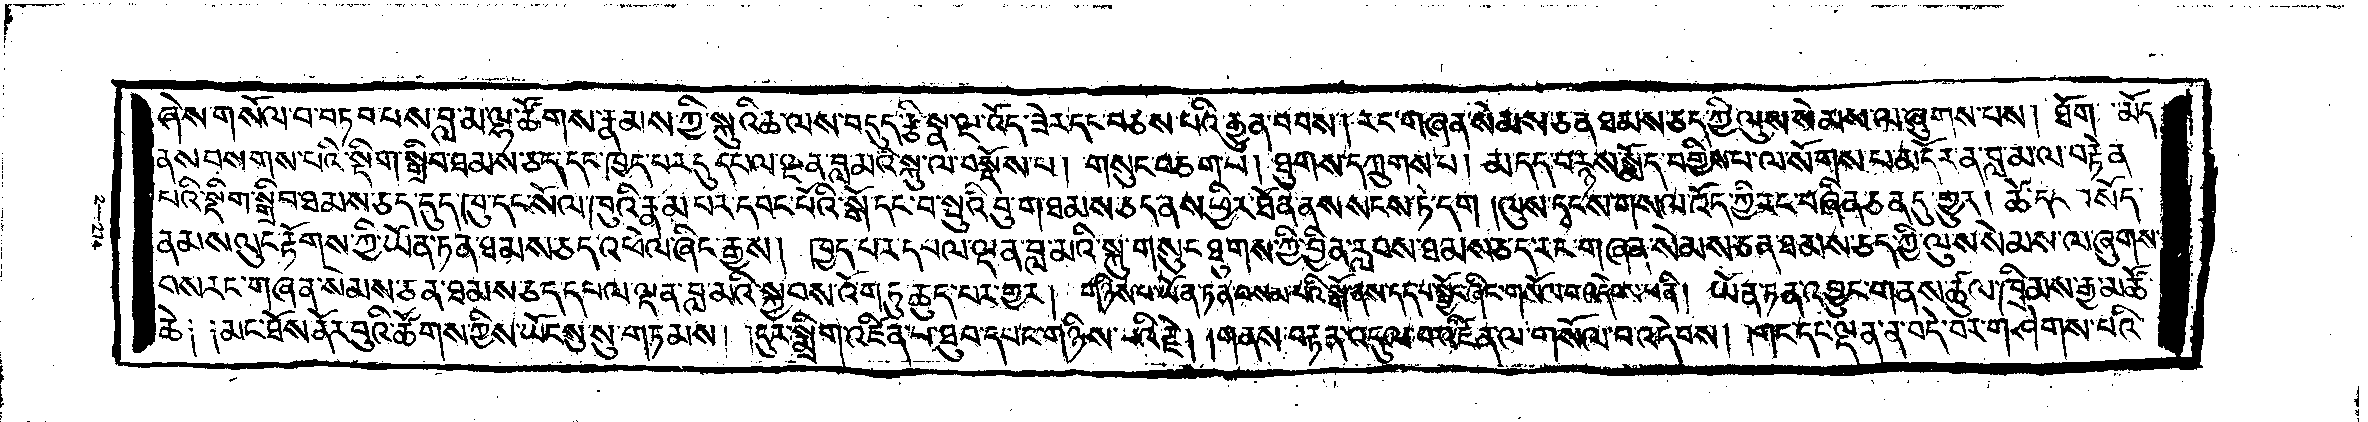ཞེས་གསོལ་བ་བཏབ་པས་བླ་མ་ལྷ་ཚོགས་རྣམས་ཀྱི་སྐུའི་ཆ་ལས་བདུད་རྩི་སྣ་ལྔ་འོད་ཟེར་དང་བཅས་པའི་རྒྱུན་བབས། རང་གཞན་སེམས་ཅན་ཐམས་ཅད་ཀྱི་ལུས་སེམས་ལ་ཞུགས་པས། ཐོག་མོད་
ནས་བསགས་པའི་སྡིག་སྒྲིབ་ཐམས་ཅད་དང་ཁྱད་པར་དུ་དཔལ་ལྡན་བླ་མའི་སྐུ་ལ་བསྡོས་པ། གསུང་བཅག་པ། ཐུགས་དཀྲུགས་པ། མ་དད་བརྙས་སྨོད་བགྱིས་པ་ལ་སོགས་པ་མདོར་ན་བླ་མ་ལ་བརྟེན་
པའི་སྡིག་སྒྲིབ་ཐམས་ཅད་དུད་ཁུ་དང་སོལ་ཁུའི་རྣམ་པར་དབང་པོའི་སྒོ་དང་བ་སྤུའི་བུ་ག་ཐམས་ཅད་ནས་ཕྱིར་ཐོན་ནས་སངས་རྟེ་དག །ལུས་དྭངས་གསལ་འོད་ཀྱི་རང་བཞིན་ཅན་དུ་གྱུར། ཚེ་དང་བསོད་
ནམས་ལུང་རྟོགས་ཀྱི་ཡོན་ཏན་ཐམས་ཅད་འཕེལ་ཞིང་རྒྱས། ཁྱད་པར་དཔལ་ལྡན་བླ་མའི་སྐུ་གསུང་ཐུགས་ཀྱི་བྱིན་རླབས་ཐམས་ཅད་རང་གཞན་སེམས་ཅན་ཐམས་ཅད་ཀྱི་ལུས་སེམས་ལ་ཞུགས་
བས་རང་གཞན་སེམས་ཅན་ཐམས་ཅད་དཔལ་ལྡན་བླ་མའི་སྐྱབས་འོག་ཏུ་ཆུད་པར་གྱུར། གཉིས་པ་ཡོན་ཏན་བསམ་པའི་སྒོ་ནས་དད་པ་སྦྱོང་ཞིང་གསོལ་བ་འདེབས་པ་ནི།  ཡོན་ཏན་འབྱུང་གནས་ཚུལ་ཁྲིམས་རྒྱ་མཚོ་
ཆེ༑ ༑མང་ཐོས་ནོར་བུའི་ཚོགས་ཀྱིས་ཡོངས་སུ་གཏམས། །དུར་སྨྲིག་འཛིན་པ་ཐུབ་དབང་གཉིས་པའི་རྗེ། །གནས་བརྟན་འདུལ་བ་འཛིན་ལ་གསོ། བ་འདེབས། །གང་དང་དན་ན་བདེ་བར་གཤེགས་པའི་